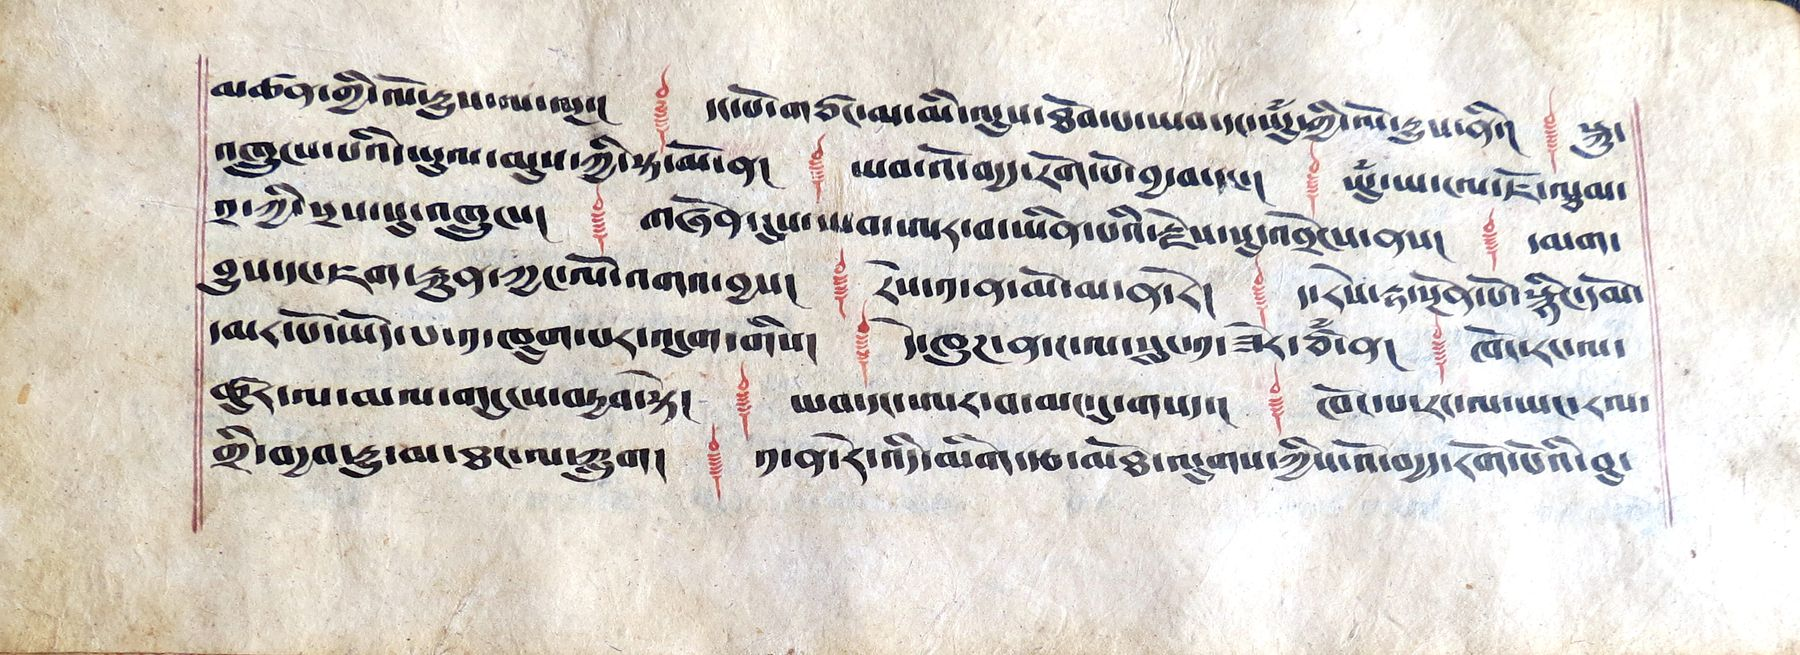མཚན་གྱི་ལོ་རྒྱུས་ལ་ལྔ། དང་པོ་གཙང་མ་མི་ལུས་ཐོབ་པ་ཡབ་དང་ཡུམ་གྱི་ལོ་རྒྱུས་ནི། སྐུ་
འཁྲུངས་པའི་ཡུལ་མུས་ཀྱི་སྟ་མོ་ན། ཡབ་འོ་བརྒྱད་རོག་པོ་བྱ་བ་དང་། ཡུམ་ཡ་ངལ་ཇོ་ལྕམ་
གཉིས་ཀྱི་སྲས་སུ་འཁྲུངས། གཞོན་དུས་ཡབ་ཨར་བ་ཡིན་པའི་རྗེས་སུ་འབྲེང་ནས། དམག་
ཆུས་དང་ཇག་རྐུན་ཀྱང་ལོ་འགར་བྱས། རེས་ཤིག་ན་མོ་མས་ན་རེ། ད་རེས་རྟ་སྔོན་པོ་སྙིང་དོམ་
དམར་པོ་ཡོད་པ་ཁུགས་པར་འདུག་གིས། དེ་ཁུག་ན་ང་ལ་བླང་ཟེར་ཙམ་ན། ཁོང་རང་ལ་
ཚུར་ལ་མལ་མདུང་རྒྱབ་སྟེ། ཡབ་དང་ཨར་བ་མང་དུ་བསད་ཁོ་པ་རང་ལ་ཡང་རལ་
གྲི་བརྒྱབས། རྒྱུ་མ་ཐང་ལ་བླུག ཅིག་གིས་ན་རེ་འདིའི་མིག་རྩ་མཐོ་ལུགས་ཀྱིས། འོ་བརྒྱད་རོག་པོའི་བུ་